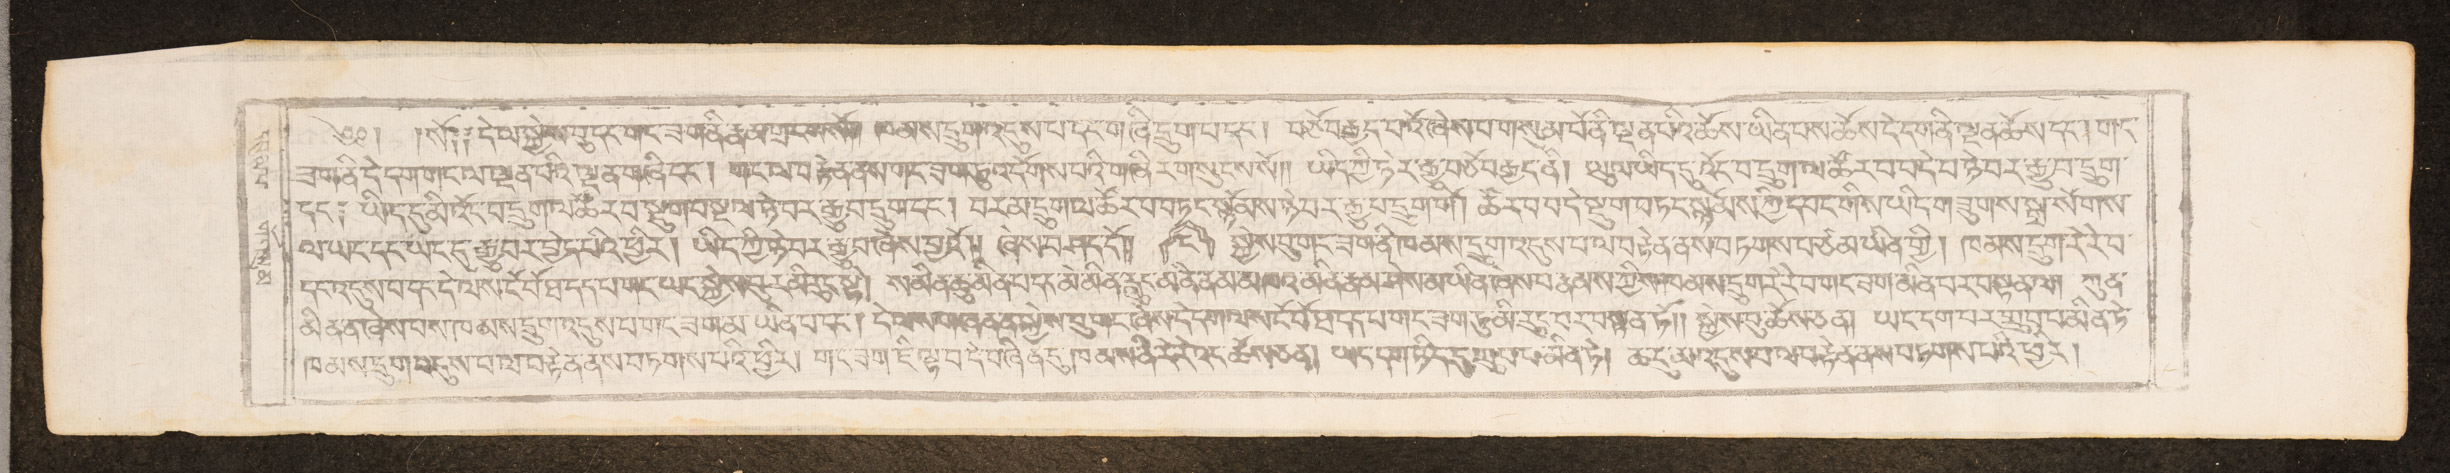༄༅། །སོ༑ ༑དེ་ལ་སྐྱེས་བུ་དང་གང་ཟག་ནི་རྣམ་གྲང་སོ། །ཁམས་དྲུག་འདུས་པ་དང་གཞི་དྲུག་པ་དང་། བཅོ་བརྒྱད་པའོ་ཞེས་པ་གསུམ་པོ་ནི་ལྡན་པའི་ཆོས་ཡིན་པས་ཆོས་དེ་དག་ནི་ལྡན་ཆོས་དང་། གང་
ཟག་ནི་དེ་དག་གང་ལ་ལྡན་པའི་ལྡན་གཞི་དང་། གང་ལ་བརྟེན་ནས་གང་ཟག་ཏུ་འདོགས་པའི་གཞིར་གསུངས་སོ། །ཡིད་ཀྱི་ཉེར་རྒྱུ་བཅོ་བརྒྱད་ནི། །ཡུལ་ཡིད་དུ་འོང་བ་དྲུག་ལ་ཚོར་བ་བདེ་བ་ཉེ་བར་རྒྱུ་བ་དྲུག་
དང༑ ཡིད་དུ་མི་འོང་བ་དྲུག་ལ་ཚོར་བ་སྡུག་བསྔལ་ཉེ་བར་རྒྱབ་དྲུག་དང་། བར་མ་དྲུག་ལ་ཚེར་བ་བཏང་སྙོམས་ཉེ་བར་རྒྱུ་བ་དྲུག་གོ། ཚོར་བ་བདེ་སྡུག་བཏང་སྙོམས་ཀྱི་དབང་གིས་ཡིད་གཟུགས་སྒྲ་སོགས་
ལ་ཡང་དང་ཡང་དུ་རྒྱུ་བར་བྱེད་པའི་ཕྱིར། ཡིད་ཀྱི་ཉེ་བར་རྒྱུ་བཞེས་བྱའོ། །ཞེས་བཤད་དོ། །༼༽ང༼༽ སྐྱེས་བུ་གང་ཟག་ནི་ཁམས་དྲུག་འདུས་པ་ལ་བརྟེན་ནས་བཏགས་པ་ཙམ་ཡིན་གྱི། ཁམས་དྲུག་རེ་རེ་བ་
དང་འདུས་པ་དང་དེ་ལས་ངོ་བོ་ཐ་དད་པ་གང་ཡང་སྐྱེས་བུར་མི་རུང་སྟེ། ས་མིན་ཆུ་མིན་པ་དང་མེ་མིན་རླུང་མིན་ནམ་མཁའ་མིན་རྣམ་ཤེས་མ་ཡིན་ཞེས་པ་རྣམས་ཀྱིས་ཁམས་དྲུག་རེ་རེ་བ་གང་ཟག་མིན་པར་བསྟན་ལ། ཀུན་
མིན་ན་ཞེས་པས་ཁམས་དྲུག་འདུས་པ་གང་ཟག་མ་ཡིན་པ་དང་། དེ་ལས་གཞན་ན་སྐྱེས་བུ་གང་ཞེས་དེ་དག་ལས་ངོ་ནོ་ཐ་དད་པ་གང་ཟག་ཏུ་མི་རུང་བར་བསྟན་ཏོ།། སྐྱེས་བུ་ཆོས་ཅན། ཡང་དག་པར་གྲུབ་པ་མིན་ཏེ་
ཁམས་དྲུག་འདུས་པ་ལ་བརྟེན་ནས་བཏགས་པའི་ཕྱིར། གང་ཟག་ཇི་ལྟ་བདེ་བཞིན་དུ་ཁམས་ནི་རེ་རེ་འང་ཆོས་ཅན། ཡང་དག་ཉིད་དུ་གྲུབ་བ་མིན་ཏེ། ཆ་དུ་མ་འདུས་པ་ལ་བརྟེན་ནས་བཏགས་པའི་ཕྱིར།